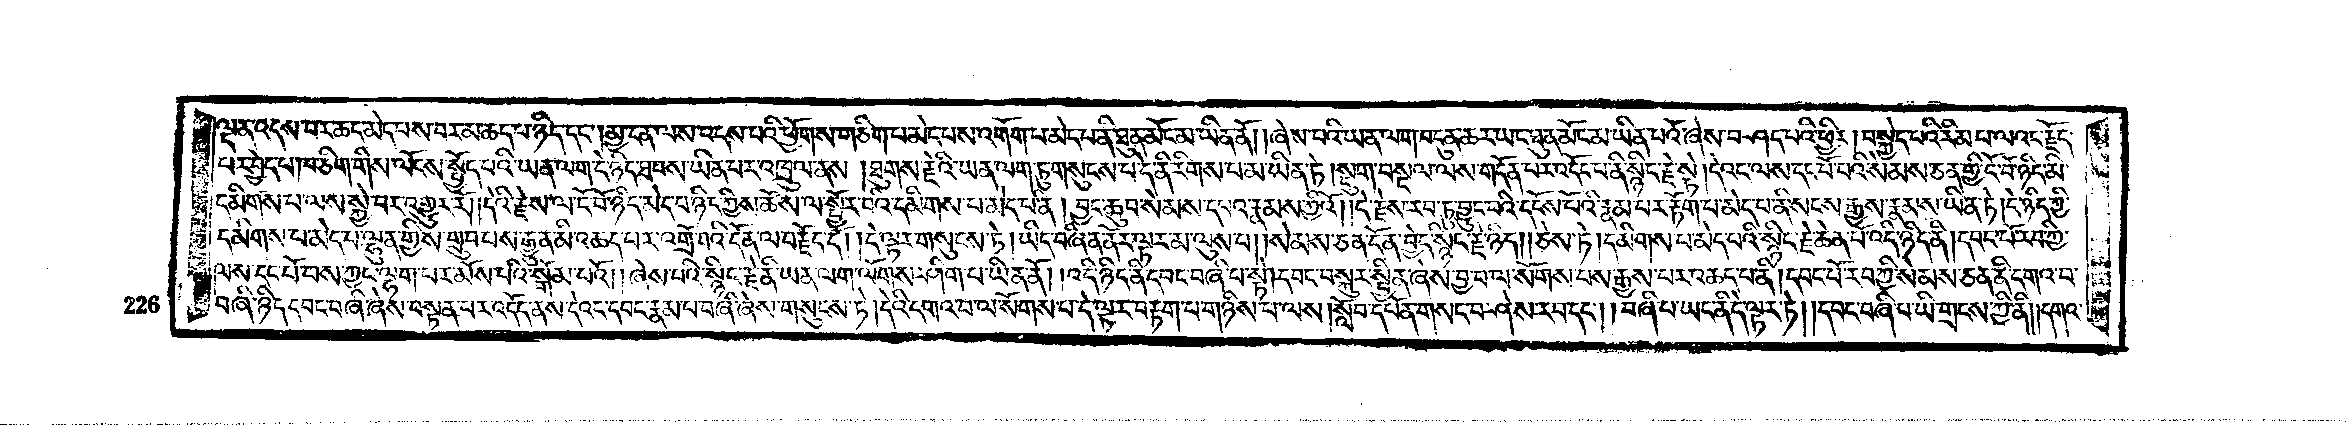ལྡན་འདས་བར་ཆད་མེད་པས་བར་མ་ཆད་པ་ཉིད་དང་། མྱ་ངན་ལས་འདས་པའི་ཕྱོགས་གཅིག་པ་མེད་པས་འགོག་པ་མེད་པ་ནི་ཐུན་མོང་མ་ཡིན་ནོ། །ཞེས་པའི་ཡན་ལག་བདུན་ཆར་ཡང་ཐུན་མོང་མ་ཡིན་པའོ་ཞེས་བཤད་པའི་ཕྱིར། བསྐྱེད་པའི་རིམ་པ་ལའང་རྗོད་
པར་བྱེད་པ་ཁ་ཅིག་གིས་ལོངས་སྤྱོད་པའི་ཡན་ལག་དེ་ཉིད་ཐབས་ཡིན་པར་འཁྲུལ་ནས། ཐུགས་རྗེའི་ཡན་ལག་ཏུ་གསུངས་པ་དེ་ནི་རིགས་པ་མ་ཡིན་ཏེ། སྡུག་བསྔལ་ལས་གདོན་པར་འདོད་པ་ནི་སྙིང་རྗེ་སྟེ། དེའང་ལས་དང་པོ་པའི་སེམས་ཅན་གྱི་ངོ་བོ་ཉིད་མི་
དམིགས་པ་ལས་སྐྱེ་བར་འགྱུར་རོ། །དེའི་རྗེས་ལ་ངོ་བོ་ཉིད་མེད་པ་ཉིད་ཀྱིས་ཆོས་ལ་སྦྱོར་བའི་དམིགས་པ་མེད་པ་ནི། བྱང་ཆུབ་སེམས་དཔའ་རྣམས་ཀྱིའོ། །དེ་རྗེས་རབ་ཏུ་བྱུང་བའི་དངོས་པོའི་རྣམ་པར་རྟོག་པ་མེད་པ་ནི་སངས་རྒྱས་རྣམས་ཡིན་ཏེ། དེ་ཉིད་ཀྱི་
དམིགས་པ་མེད་པ་ལྷུན་གྱིས་གྲུབ་པས་རྒྱུན་མི་འཆད་པར་འགྲོ་བའི་དོན་ལ་བརྗོད་དོ། །དེ་ལྟར་གསུངས་ཏེ། ཡིད་བཞིན་ནོར་ལྟར་མ་ལུས་པ། །སེམས་ཅན་དོན་བྱེད་སྙིང་རྗེ་ཉིད། །ཅེས་ཏེ། དམིགས་པ་མེད་པའི་སྙིང་རྗེ་ཆེན་པོ་འདི་ཉིད་ནི། དབང་པོ་རབ་ཀྱི་
ལས་དང་པོ་བས་ཀྱང་ལྷག་པར་མོས་པའི་སྒོམ་པའོ། །ཞེས་པའི་སྙིང་རྗེ་ནི་ཡན་ལག་ལོགས་ཤིག་པ་ཡིན་ནོ། །འདི་ཉིད་ནི་དབང་བཞི་པ་སྟེ། དབང་བསྐུར་སྦྱིན་ཞེས་བྱ་བ་ལ་སོགས་པས་རྒྱས་པར་འཆད་པ་ནི། དབང་པོ་རབ་ཀྱི་སེམས་ཅན་ནི་དགའ་བ་
བཞི་ཉིད་དབང་བཞི་ཞེས་བསྟན་པར་འདོད་ནས་དེའང་དབང་རྣམ་པ་བཞི་ཞེས་གསུངས་ཏེ། དེའི་དགའ་བ་ལ་སོགས་པ་དེ་ལྟར་བརྟག་པ་གཉིས་པ་ལས། སློབ་དཔོན་གསང་བ་ཤེས་རབ་དང་། །བཞི་པ་ཡང་ནི་དེ་ལྟར་ཏེ། །དབང་བཞི་པ་ཡི་གྲངས་ཀྱི་ནི། །དགའ་